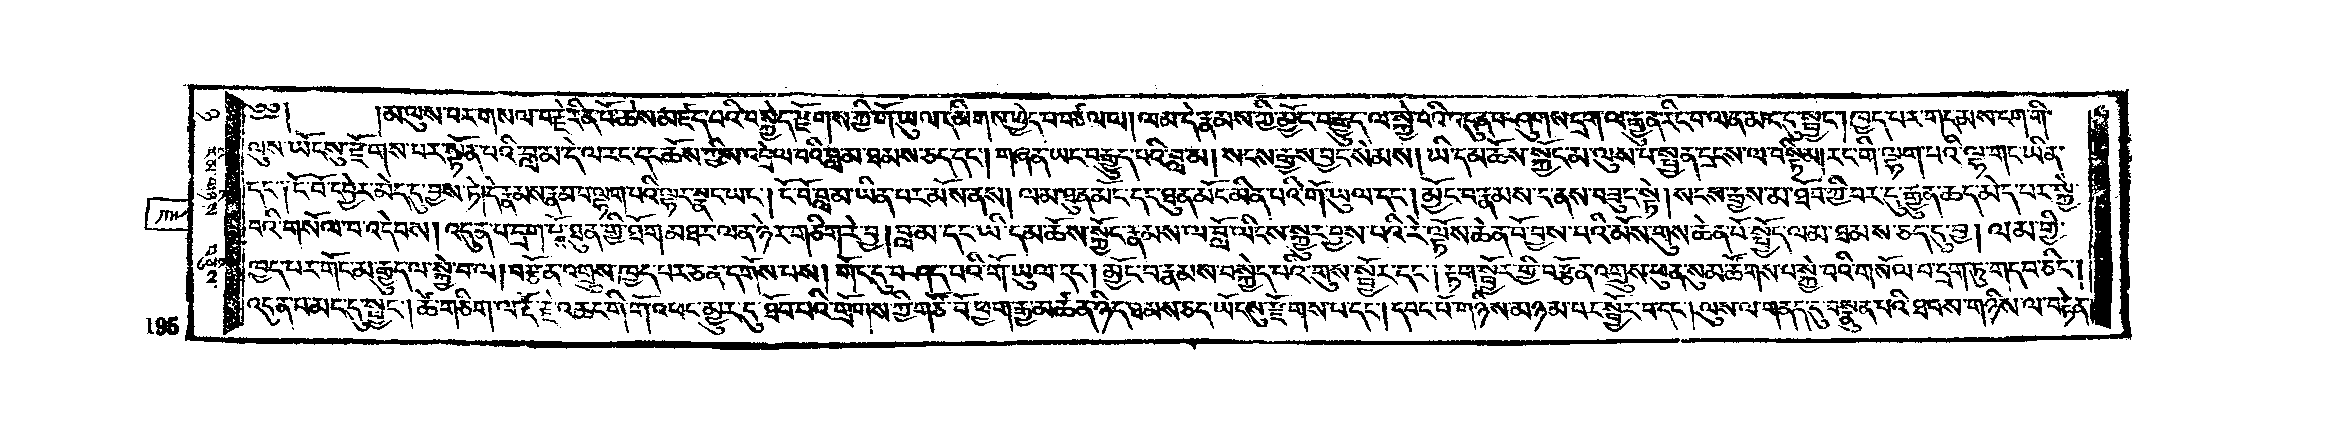༄༅། །མ་ལུས་པར་གསལ་བ་རྗེ་རིན་པོ་ཆེས་མཛེད་པའི་བསྐྱེད་རྫོགས་ཀྱི་གོ་ཡུལ་དམིགས་ཕྱེད་པ་བཙལ་ལ། ལམ་དེ་རྣམས་ཀྱི་མྱོང་བ་རྒྱུད་ལ་སྐྱེ་བའི་འདུན་པ་ཤུགས་དྲག་ལ་རྒྱུན་རིང་བ་ལན་མང་དུ་སྦྱང་། ཁྱད་པར་གདམས་ངག་གི་
ལུས་ཡོངས་སུ་རྫོགས་པར་སྟོན་པའི་བླ་མ་དེ་ལ་རང་དང་ཆོས་ཀྱིས་འབྲེལ་བའི་བླ་མ་ཐམས་ཅད་དང་། གཞན་ཡང་བརྒྱུད་པའི་བླ་མ། སངས་རྒྱས་བྱང་སེམས། ཡི་དམ་ཆོས་སྐྱོང་མ་ལུས་པ་སྤྱན་དྲངས་ལ་བསྟིམ། རང་གི་ལྷག་པའི་ལྷ་གང་ཡིན་
དང་། ངོ་བོ་དབྱེར་མེད་དུ་བྱས་ཏེ། དེ་རྣམས་རྣམ་པ་ལྷག་པའི་ལྟར་སྣང་ཡང་། ངོ་བོ་བླ་མ་ཡིན་པར་མོས་ནས། ལམ་ཐུན་མོང་དང་ཐུན་མོང་མིན་པའི་གོ་ཡུལ་དང་། མྱོང་བ་རྣམས་ད་ནས་བཟུང་སྟེ། སངས་རྒྱས་མ་ཐོབ་ཀྱི་བར་དུ་རྒྱུན་ཆད་མེད་པར་སྐྱེ་
བའི་གསོལ་བ་འདེབས། འདུན་པ་དྲག་པོས་ཐུན་གྱི་ཐོག་མཐར་ལན་ཉེར་གཅིག་རེ་བྱ། བླ་མ་དང་ཡི་དམ་ཆོས་སྐྱོང་རྣམས་ལ་བློ་ལིངས་སྐྱུར་བྱས་པའི་རེ་ལྟོས་ཆེན་པོ་བྱས་པའི་མོས་གུས་ཆེན་པོ་སྤྱོད་ལམ་ཐམས་ཅད་དུ་བྱ། ལམ་གྱི་
ཁྱད་པར་གོང་མ་རྒྱུད་ལ་སྐྱེ་བ་ལ། བརྩོན་འགྲུས་ཁྱད་པར་ཅན་དགོས་པས། གོང་དུ་བཤད་པའི་གོ་ཡུལ་དང་། མྱོང་བ་རྣམས་བསྐྱེད་པའི་གུས་སྦྱོར་དང་། རྟག་སྦྱོར་གྱི་བརྩོན་འགྲུས་ཕུན་སུམ་ཚོགས་པ་སྐྱེ་བའི་གསོལ་བ་དྲག་ཏུ་གདབ་ཅིང་།
འདུན་པ་མང་དུ་སྦྱང་། ཚེ་གཅིག་ལ་རྡོ་རྗེ་འཆང་གི་གོ་འཕང་མྱུར་དུ་ཐོབ་པའི་གྲོགས་ཀྱི་གཙོ་བོ་ཕྱག་རྒྱ་མཚན་ཉིད་ཐམས་ཅད་ཡོངས་སུ་རྫོགས་པ་དང་། དབང་པོ་གཉིས་མཉམ་པར་སྦྱོར་བ་དང་། ལུས་ལ་གནད་དུ་བསྣུན་པའི་ཐབས་གཉིས་ལ་བརྟེན་